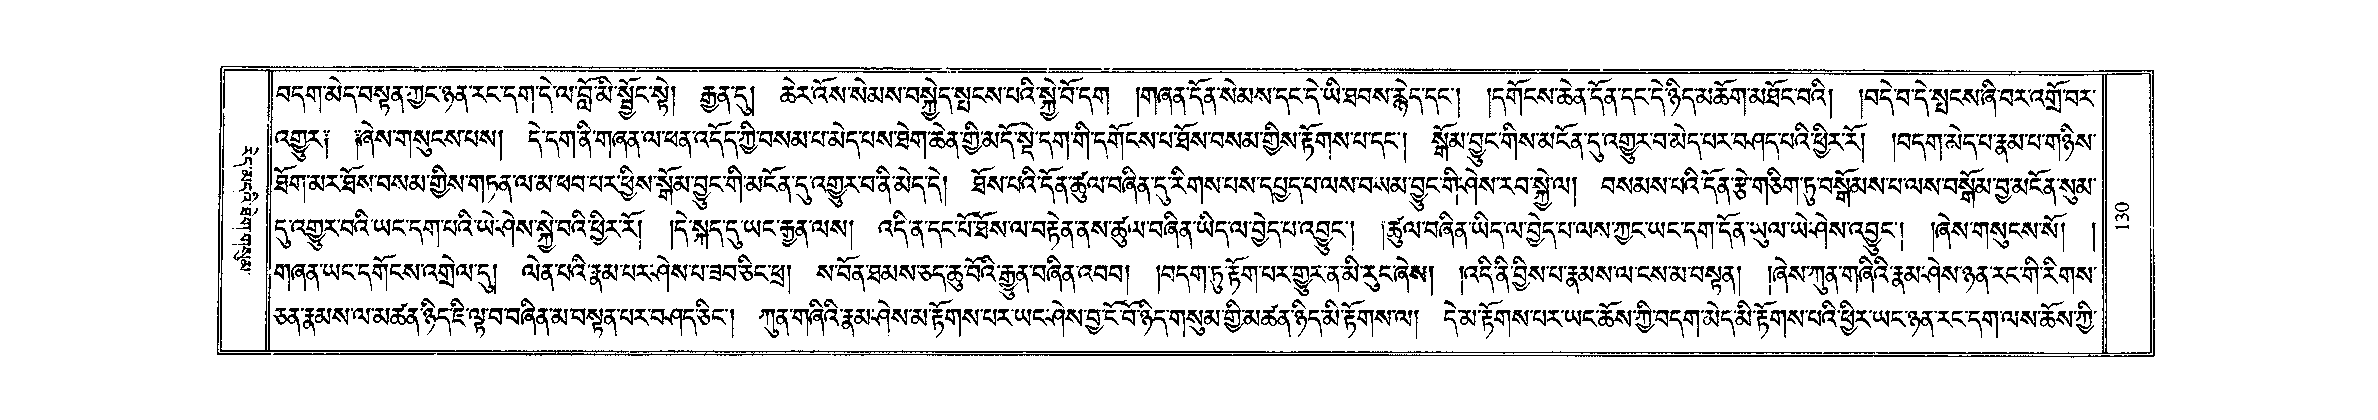བདག་མེད་བསྟན་ཀྱང་ཉན་རང་དག་དེ་ལ་བློ་མི་སྦྱོང་སྟེ། རྒྱན་དུ། ཆེར་འོས་སེམས་བསྐྱེད་སྤངས་པའི་སྐྱེ་བོ་དག །གཞན་དོན་སེམས་དང་དེ་ཡི་ཐབས་རྙེད་དང་། །དགོངས་ཆེན་དོན་དང་དེ་ཉིད་མཆོག་མཐོང་བའི། །བདེ་བ་དེ་སྤངས་ཞི་བར་འགྲོ་བར་
འགྱུར༑ ༑ཞེས་གསུངས་པས། དེ་དག་ནི་གཞན་ལ་ཕན་འདོད་ཀྱི་བསམ་པ་མེད་པས་ཐེག་ཆེན་གྱི་མདོ་སྡེ་དག་གི་དགོངས་པ་ཐོས་བསམ་གྱིས་རྟོགས་པ་དང་། སྒོམ་བྱུང་གིས་མངོན་དུ་འགྱུར་བ་མེད་པར་བཤད་པའི་ཕྱིར་རོ། །བདག་མེད་པ་རྣམ་པ་གཉིས་
ཐོག་མར་ཐོས་བསམ་གྱིས་གཏན་ལ་མ་ཕབ་པར་ཕྱིས་སྒོམ་བྱུང་གི་མངོན་དུ་འགྱུར་བ་ནི་མེད་དེ། ཐོས་པའི་དོན་ཚུལ་བཞིན་དུ་རིགས་པས་དཔྱད་པ་ལས་བསམ་བྱུང་གི་ཤེས་རབ་སྐྱེ་ལ། བསམས་པའི་དོན་རྩེ་གཅིག་ཏུ་བསྒོམས་པ་ལས་བསྒོམ་བྱ་མངོན་སུམ་
དུ་འགྱུར་བའི་ཡང་དག་པའི་ཡེ་ཤེས་སྐྱེ་བའི་ཕྱིར་རོ། །དེ་སྐད་དུ་ཡང་རྒྱན་ལས། འདི་ན་དང་པོ་ཐོས་ལ་བརྟེན་ནས་ཚུལ་བཞིན་ཡིད་ལ་བྱེད་པ་འབྱུང་། །ཚུལ་བཞིན་ཡིད་ལ་བྱེད་པ་ལས་ཀྱང་ཡང་དག་དོན་ཡུལ་ཡེ་ཤེས་འབྱུང་། །ཞེས་གསུངས་སོ། །
གཞན་ཡང་དགོངས་འགྲེལ་དུ། ལེན་པའི་རྣམ་པར་ཤེས་པ་ཟབ་ཅིང་ཕྲ། ས་བོན་ཐམས་ཅད་ཆུ་བོའི་རྒྱུན་བཞིན་འབབ། །བདག་ཏུ་རྟོག་པར་གྱུར་ན་མི་རུང་ཞེས། །འདི་ནི་བྱིས་པ་རྣམས་ལ་ངས་མ་བསྟན། །ཞེས་ཀུན་གཞིའི་རྣམ་ཤེས་ཉན་རང་གི་རིགས་
ཅན་རྣམས་ལ་མཚན་ཉིད་ཇི་ལྟ་བ་བཞིན་མ་བསྟན་པར་བཤད་ཅིང་། ཀུན་གཞིའི་རྣམ་ཤེས་མ་རྟོགས་པར་ཡང་ཤེས་བྱ་ངོ་བོ་ཉིད་གསུམ་གྱི་མཚན་ཉིད་མི་རྟོགས་ལ། དེ་མ་རྟོགས་པར་ཡང་ཆོས་ཀྱི་བདག་མེད་མི་རྟོགས་པའི་ཕྱིར་ཡང་ཉན་རང་དག་ལས་ཆོས་ཀྱི་